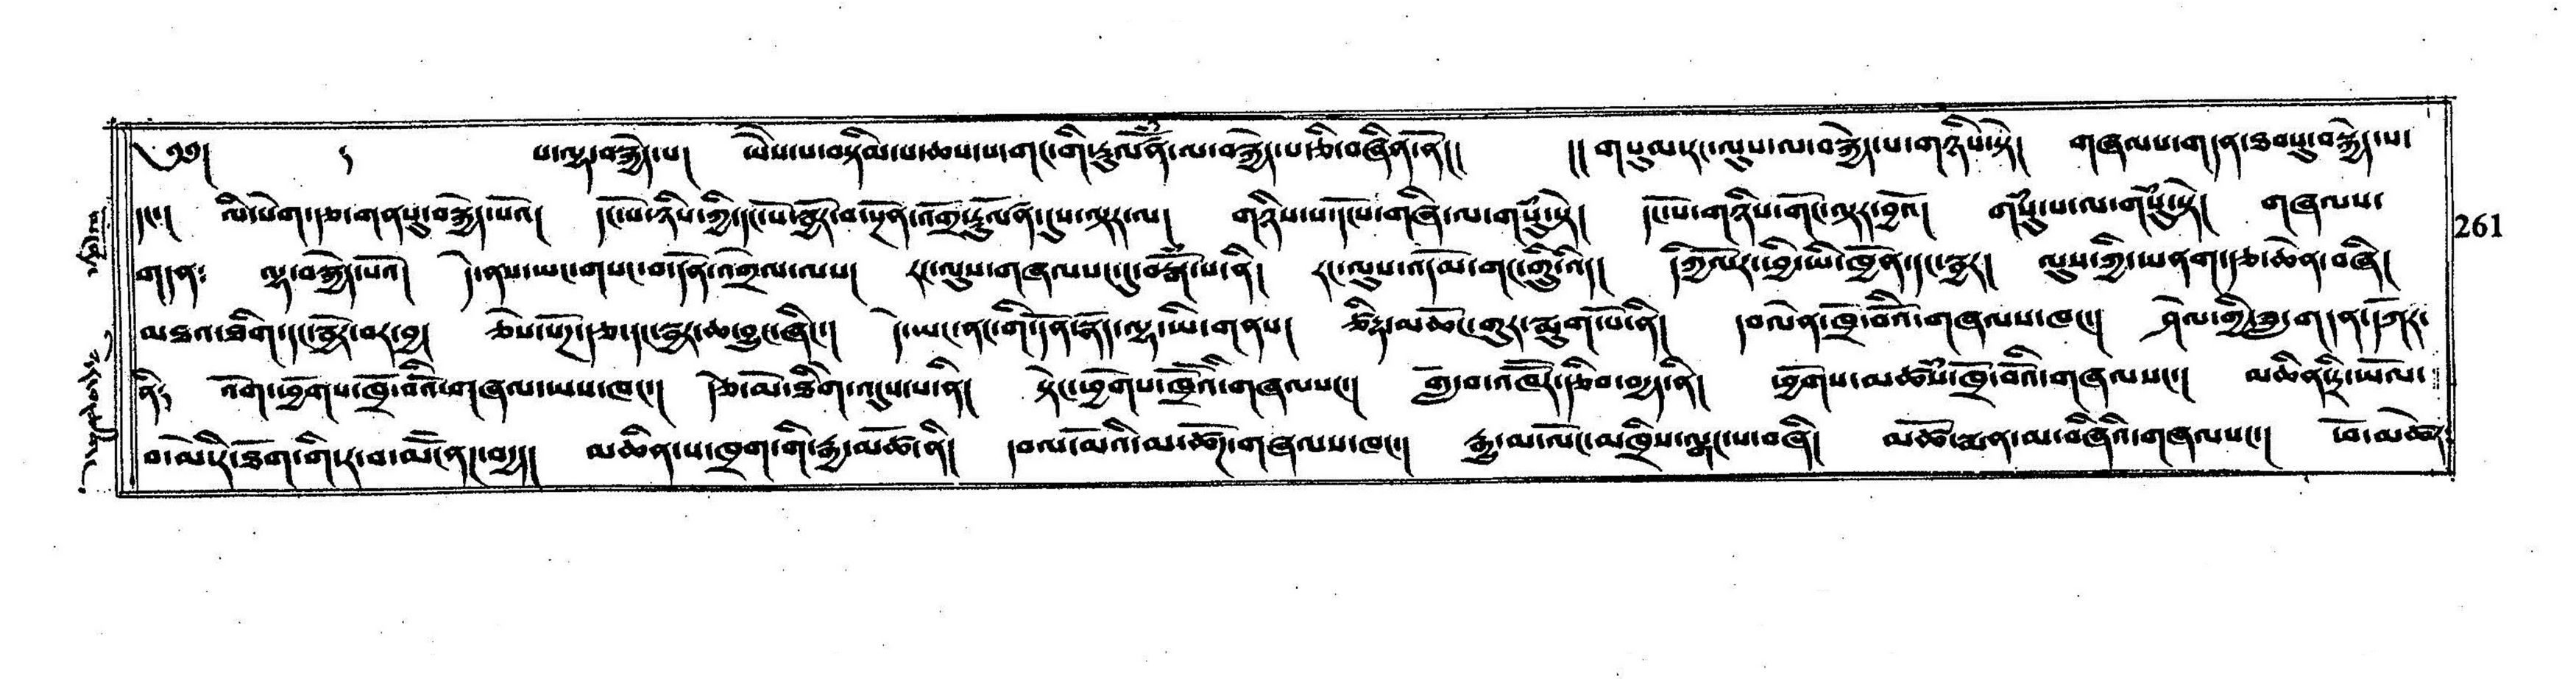པ་ལྷ་བསྐྱེད་པ། ཡེ་ཤེས་པ་བསྟིམ་པ་ཆས་པ་གང་གི་རྡུལ་མཚོན་ལ་བསྐྱེད་པ་ཅི་བཞིན་ནོ།། །།གསུམ་རང་ལུས་ལ་བསྐྱེད་པ་གཉིས་སྟེ། གཞལ་ཡས་གདན་ཐབས་སུ་བསྐྱེད་པ་
དང་། ལི་སེག་རྩ་གནས་སུ་བསྐྱེད་པའོ། དང་པོ་གཉིས་ཀྱི་དང་པོ་སྦྱོར་བ་སྔོན་འགྲོ་རྡུལ་ཚོན་དུས་ལྟར་ལ། གཉིས་པ་དངོས་གཞི་ལ་གསུམ་སྟེ། དང་པོ་གཉིས་གོང་ལྟར་བྱའོ། གསུམ་པ་ལ་གསུམ་སྟེ། གཞལ་ཡས་
གདན། ལྷ་བསྐྱེད་པའོ། དེ་ནས་ཡང་གསང་བ་དོན་འགྲེལ་ལས། རང་ལུས་གཞལ་ཡས་ཁང་དུ་བསྒོམ་པ་ནི། རང་ལུས་འདོམ་གང་གྲུ་བཞི་འདི། དཀྱིལ་འཁོར་ཕྱི་ཡི་ཁྱོན་དང་སྦྱར། ལུས་ཀྱི་ཡན་ལག་རྩ་ཆེན་བཞི། 
མཐའ་ཐིག་དང་སྦྱོར་བར་བྱ། ཅེས་སོགས་རྩ་དང་སྦྱར་ཆ་བྱུང་ཞིང་། དེ་ཡང་ནང་གི་དོན་སྣོད་ལྷ་ཡི་གནས། ཙིཏྟ་མཆོང་གུར་སྨུག་པོ་ནི། དབལ་ཆེན་ཁྲོ་བོའི་གཞལ་ཡས་ཁང་། ཤེལ་གྱི་ཟླ་གདན་དཀར་པོ་
ནི། འོག་ཕྱོགས་ཁྲོ་བོའི་གཞལ་ཡས་ཁང་། རྩེ་མོ་ཐིག་ལེ་འདུས་པ་ནི། སྟེང་ཕྱོགས་ཁྲོ་བོའི་གཞལ་ཡས་ཁང་། གློ་བ་འཁོར་ལོ་རྩིབ་བརྒྱད་ནི། ཕྱོགས་མཚམས་ཁྲོ་བོའི་གཞལ་ཡས་ཁང་། མཆིན་དྲི་ཡོལ་
བ་མེ་རི་ཐོག་གི་རྭ་བ་མངོན་རྟོགས་བརྒྱད། མཆིན་པ་ཁྲག་གི་རྒྱ་མཚོ་ནི། དབལ་མོའི་མ་ཚོགས་གཞལ་ཡས་ཁང་། རྒྱུ་མ་ལོང་མཁྲིས་ལྒང་པ་བཞི། མཚོ་སྨན་མ་བཞིའི་གཞལ་ཡས་ཁང་། ཕོ་མཚེར་